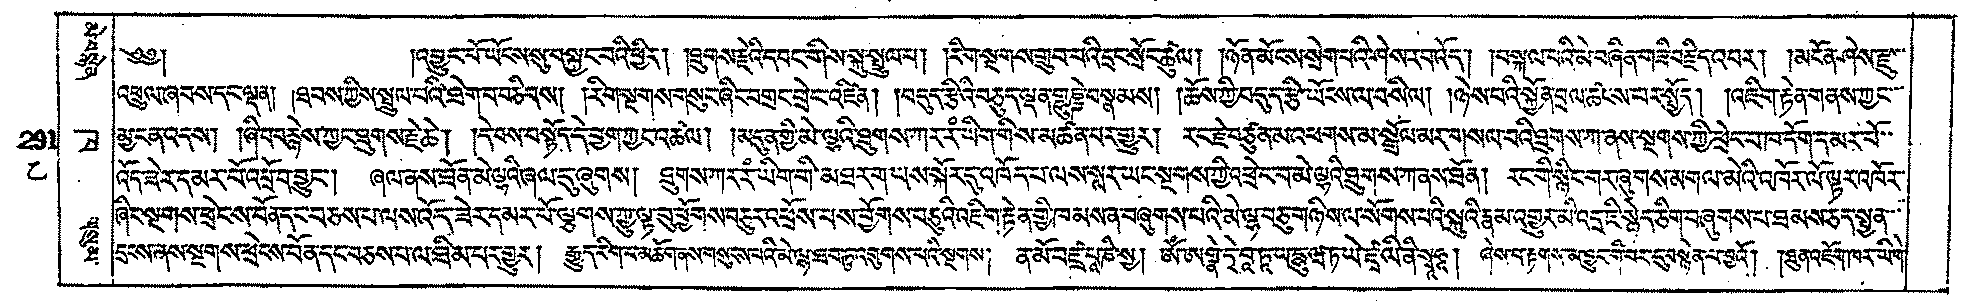༄༅། །འབྱུང་པོ་ཡོངས་སུ་བསྐྱང་བའི་ཕྱིར། །ཐུགས་རྗེའི་དབང་གིས་སྐུ་སྤྲུལ་པ། །རིག་སྔགས་གྲུབ་པའི་དྲང་སྲོང་ཚུལ། །ཉོན་མོངས་སྲེག་པའི་ཤེས་རབ་འོད། །བསྐལ་པའི་མེ་བཞིན་གཟི་བརྗིད་འབར། །མངོན་ཤེས་རྫུ་་་
འཕྲུལ་ཞབས་དང་ལྡན། །ཐབས་ཀྱིས་སྤྲུལ་པའི་ཐེག་པ་བཅིབས། །རིག་སྔགས་གསུང་ཞིང་བགྲང་ཕྲེང་འཛིན། །བདུད་རྩིའི་བཅུད་ལྡན་གྷུཎྜེ་བསྣམས། །ཆོས་ཀྱི་བདུད་རྩི་ཡོངས་ལ་བསིལ། །ཉེས་པའི་སྐྱོན་བྲལ་ཚངས་པར་སྤྱོད། །འཇིག་རྟེན་གནས་ཀྱང་་་
མྱ་ངན་འདས། །ཞི་བ་བརྙེས་ཀྱང་ཐུགས་རྗེ་ཆེ། །དེ་བས་བསྟོད་དེ་ཕྱག་ཀྱང་འཚལ། །མདུན་གྱི་མེ་ལྷའི་ཐུགས་ཀར་རཾ་ཡིག་གིས་མཚན་པར་གྱུར། རང་རྗེ་བཙུན་མ་འཕགས་མ་སྒྲོལ་མར་གསལ་བའི་ཐུགས་ཀ་ནས་སྔགས་ཀྱི་ཕྲེང་བ་ཁ་དོག་དམར་པོ་་་
འོད་ཟེར་དམར་པོ་འཕྲོ་བ་བྱུང་། ཞལ་ནས་ཐོན་མེ་ལྷའི་ཞལ་དུ་ཞུགས། ཐུགས་ཀར་རཾ་ཡིག་གི་མཐར་གཡས་སྐོར་དུ་འཁོད་པ་ལས་སླར་ཡང་སྔགས་ཀྱི་འཕྲེང་བ་མེ་ལྷའི་ཐུགས་ཀ་ནས་ཐོན། རང་གི་སྙིང་གར་ཞུགས་མགལ་མེའི་འཁོར་ལོ་ལྟར་འཁོར་་་
ཞིང་སྔགས་ཕྲེང་ས་བོན་དང་བཅས་པ་ལས་འོད་ཟེར་དམར་པོ་ལྕགས་ཀྱུ་ལྟ་བུ་ཕྱོགས་བཅུར་འཕྲོས་པས་ཕྱོགས་བཅུའི་འཇིག་རྟེན་གྱི་ཁམས་ན་བཞུགས་པའི་མེ་ལྷ་བཅུ་གཉིས་ལ་སོགས་པའི་སྐུའི་རྣམ་འགྱུར་མི་འདྲ་ཇི་སྙེད་ཅིག་བཞུགས་པ་ཐམས་ཅད་སྤྱན་་་
དྲངས་ནས་སྔགས་ཕྲེངས་བོན་དང་བཅས་པ་ལ་ཐིམ་པར་གྱུར། རྒྱུད་རིག་པ་མཆོག་ནས་གསུངས་པའི་མེ་ལྷ་ཐབ་ཏུ་འགུགས་པའི་སྔགས།  ན་མོ་བཛྲ་པཱ་ཎི་སྱ། ཨོཾ་ཨགནེ་དྭེ་བཱ་ཏཱ་ཡ་དྷུ་ཝ་ཏ་ཡེ་ཛྭ་ལི་ནི་སྭཱཧཱ། ཞེས་པ་རྟགས་མ་བྱུང་གི་བར་དུ་བསྙེན་པ་བྱའོ། །ཐུན་འཇོག་ཁར་ཡི་གེ་